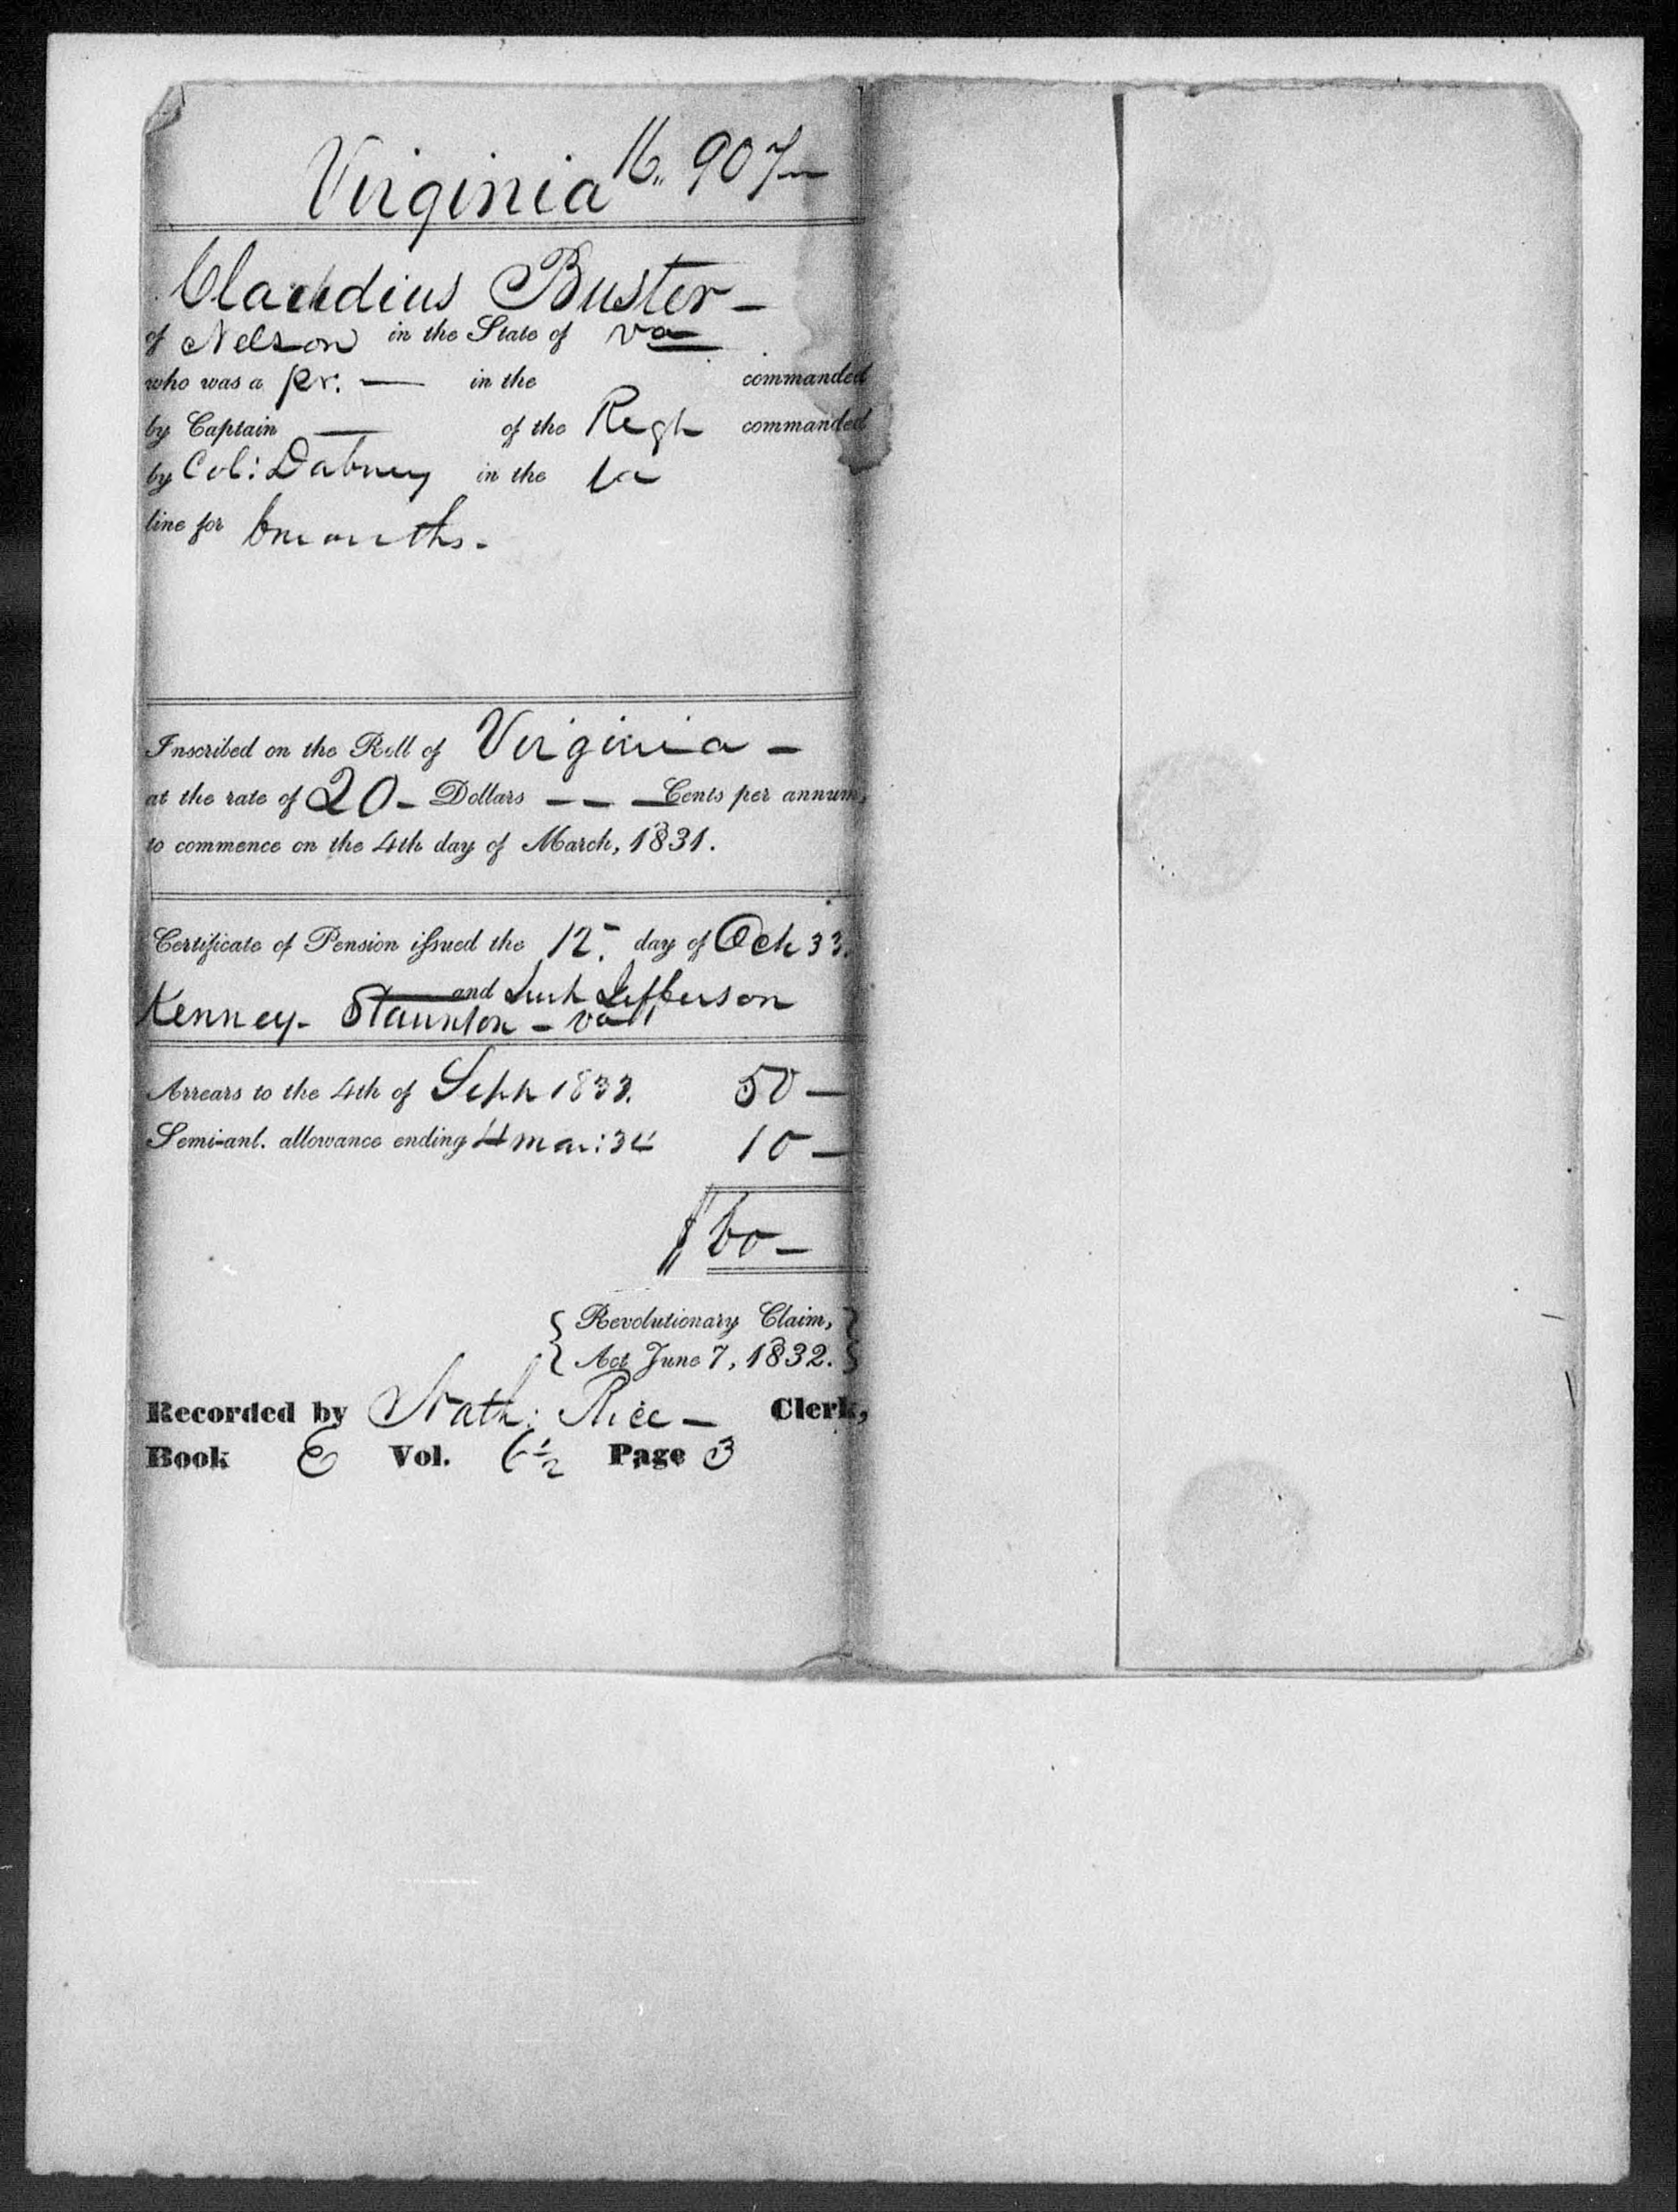Virginia 16.907~

Claudius Buster of Nelson in the State of Va who was a pr. in the [blank] commanded by Captain [blank] of the Regt commanded by Col: Dabney in the Va line for 6 months.

Inscribed on the Roll of Virginia at the rate of 20 Dollars [blank] Cents per annum, to commence on the 4th day of March, 1831.

Certificate of Pension issued the 12. day of Oct 33. and [illegible] Jefferson Kenney_ Stannton_ Va.

Arrears to the 4th of Sepr 1833. 50-
Semi-anl. allowance ending 4 mar: 34 10-
$60-

{Revolutionary Claim, Act June 7, 1832.}

Recorded by Nath: Rice Clerk,
Book E Vol 6 1/2 Page 3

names: Nath Rice, Claudius Buster, Dabney, Jefferson Kenney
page: 2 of 71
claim: widow's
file: W. 25310, Claudius Buster, Va.